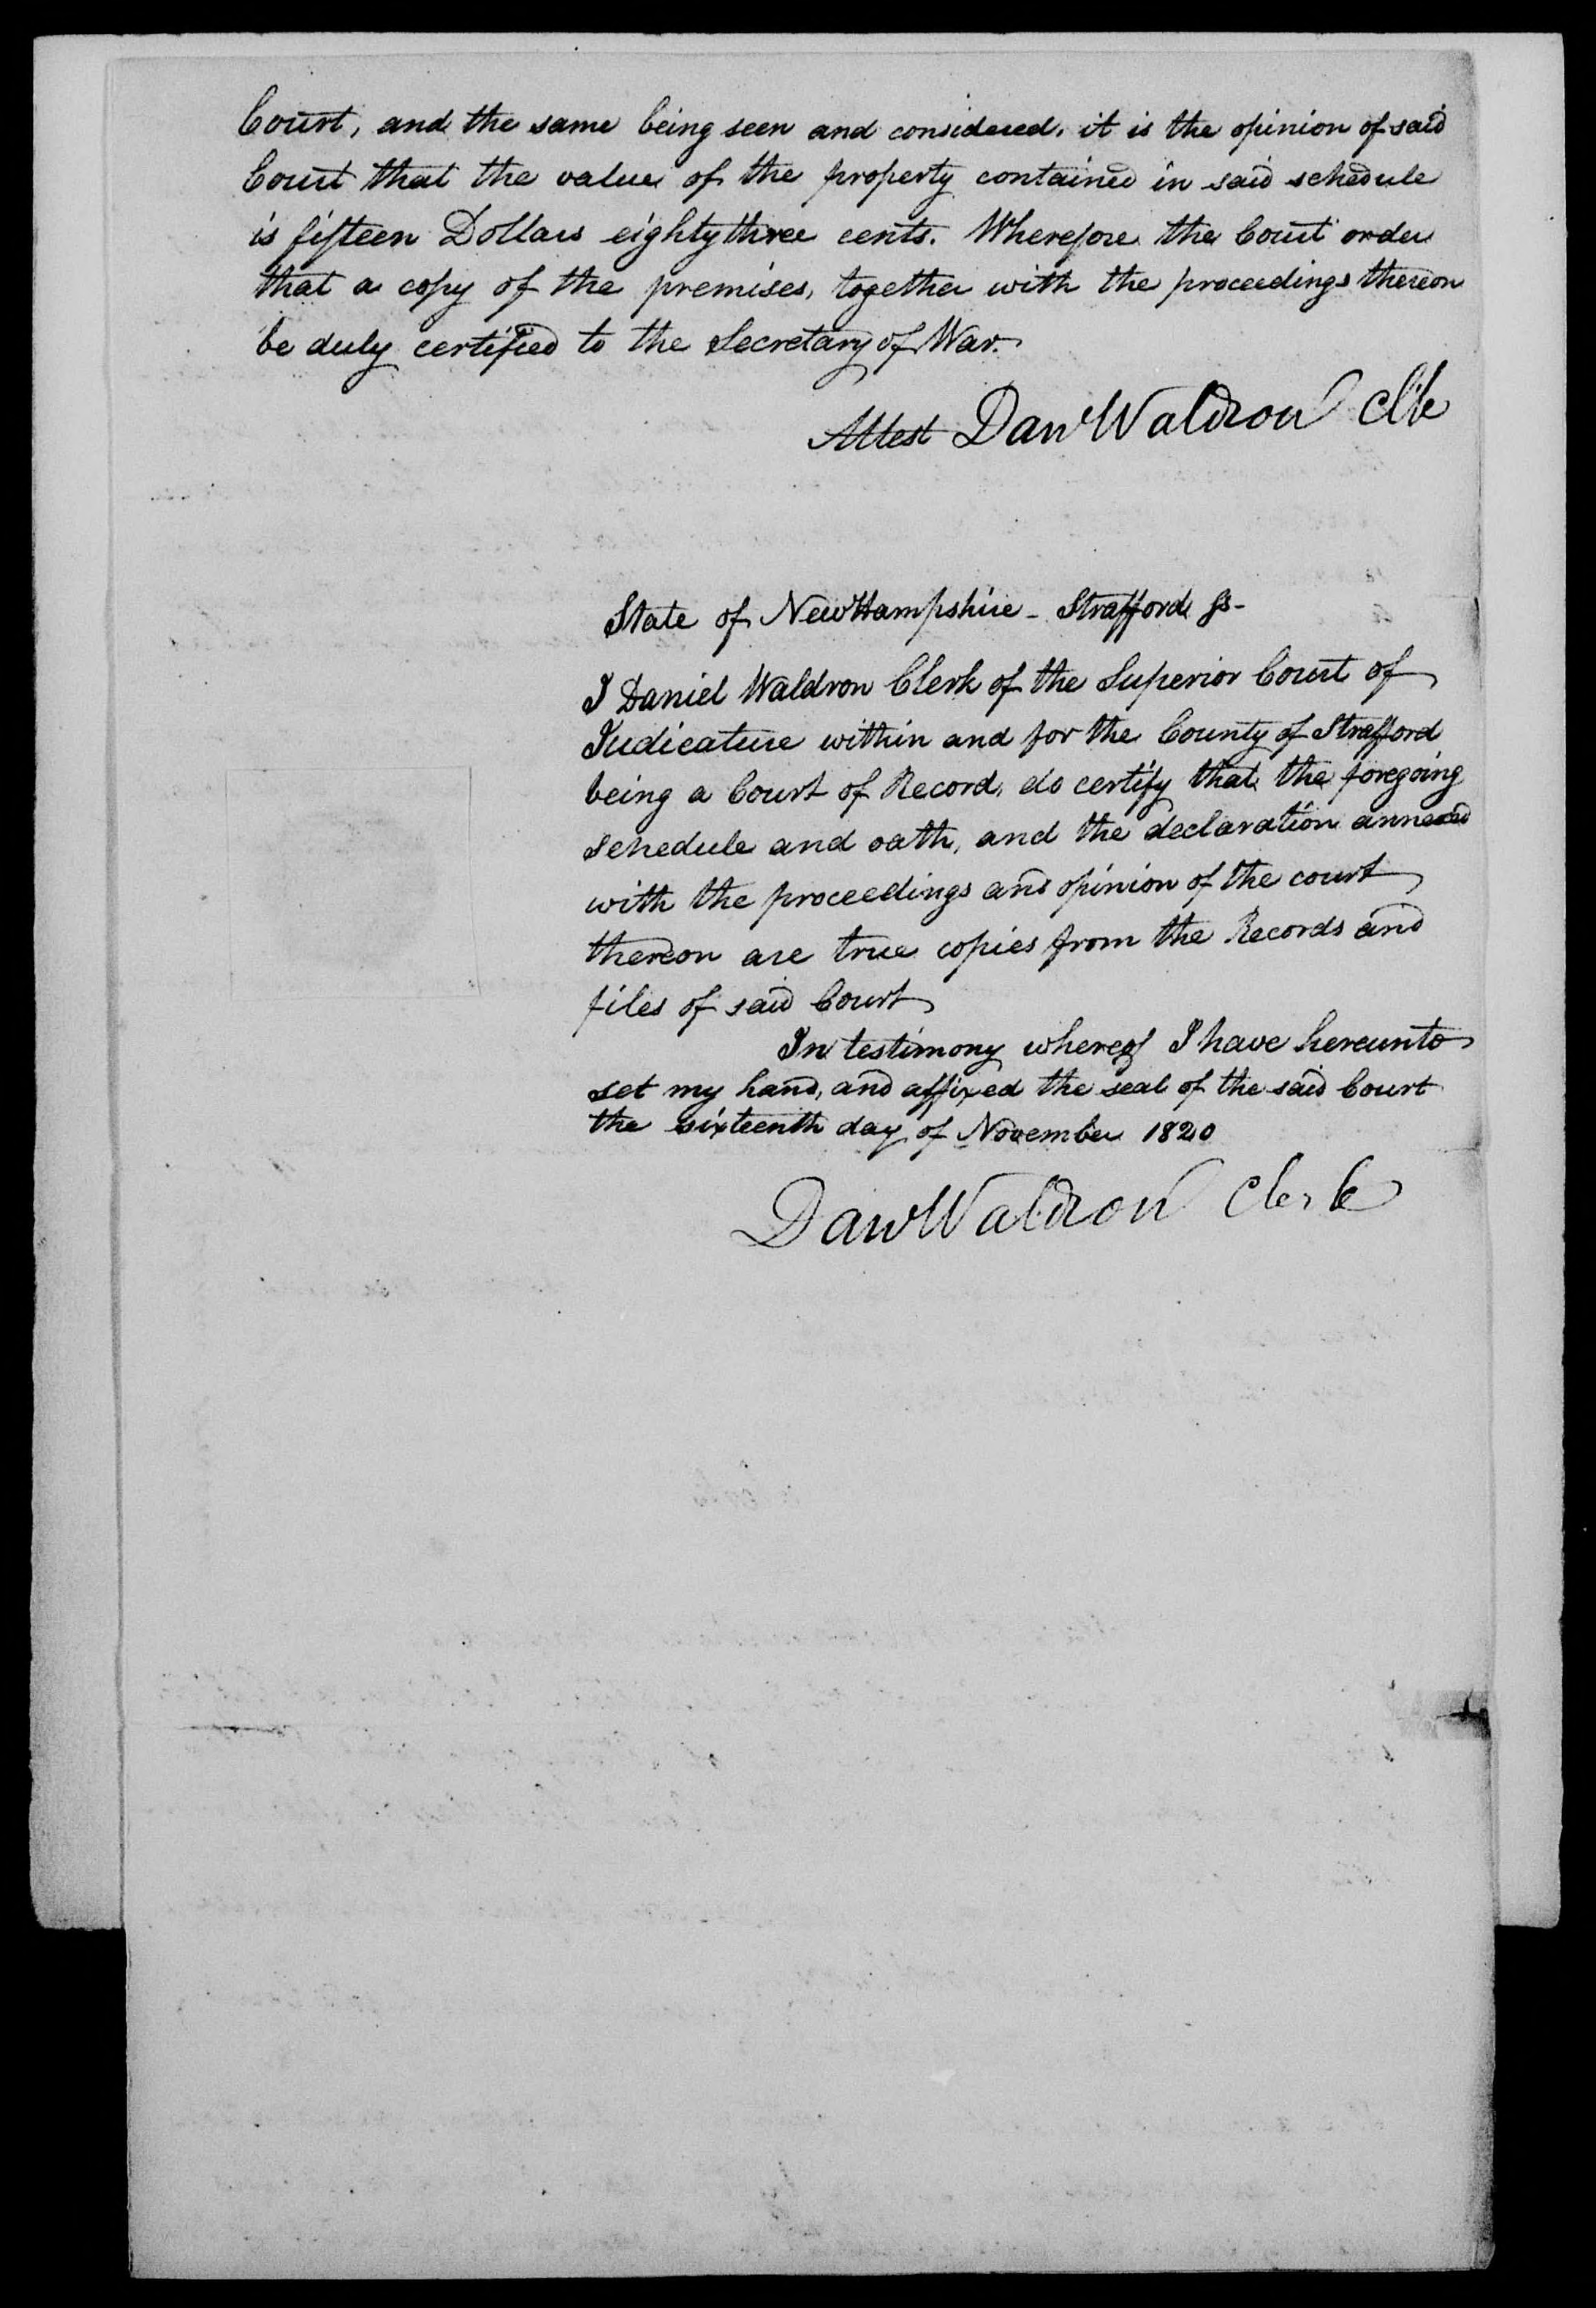Court, and the same being seen and considered, it is the opinion of said Court that the value of the property contained in said schedule is fifteen dollars eighty-three cents. Wherefore the court orders that a copy of the premises, together with the proceedings thereon be duly certified to the secretary of War.

Attest: Daniel Waldron, Clerk

State of New Hampshire, Strafford SS

I, Daniel Waldron, Clerk of the Superior Court of Judicature within and for the County of Strafford being a court of record, do certify that the foregoing schedule and oath, and the declaration annexed with the proceedings and opinion of the court thereon are true copies from the records and files of said Court.

In testimony whereof I have hereunto set my hand and affixed the seal of the said court, the eighteenth day of November 1820.
Daniel Waldron, Clerk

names: Daniel Waldron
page: 20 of 35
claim: widow's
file: W. 16127, Israel Huckins, N.H.